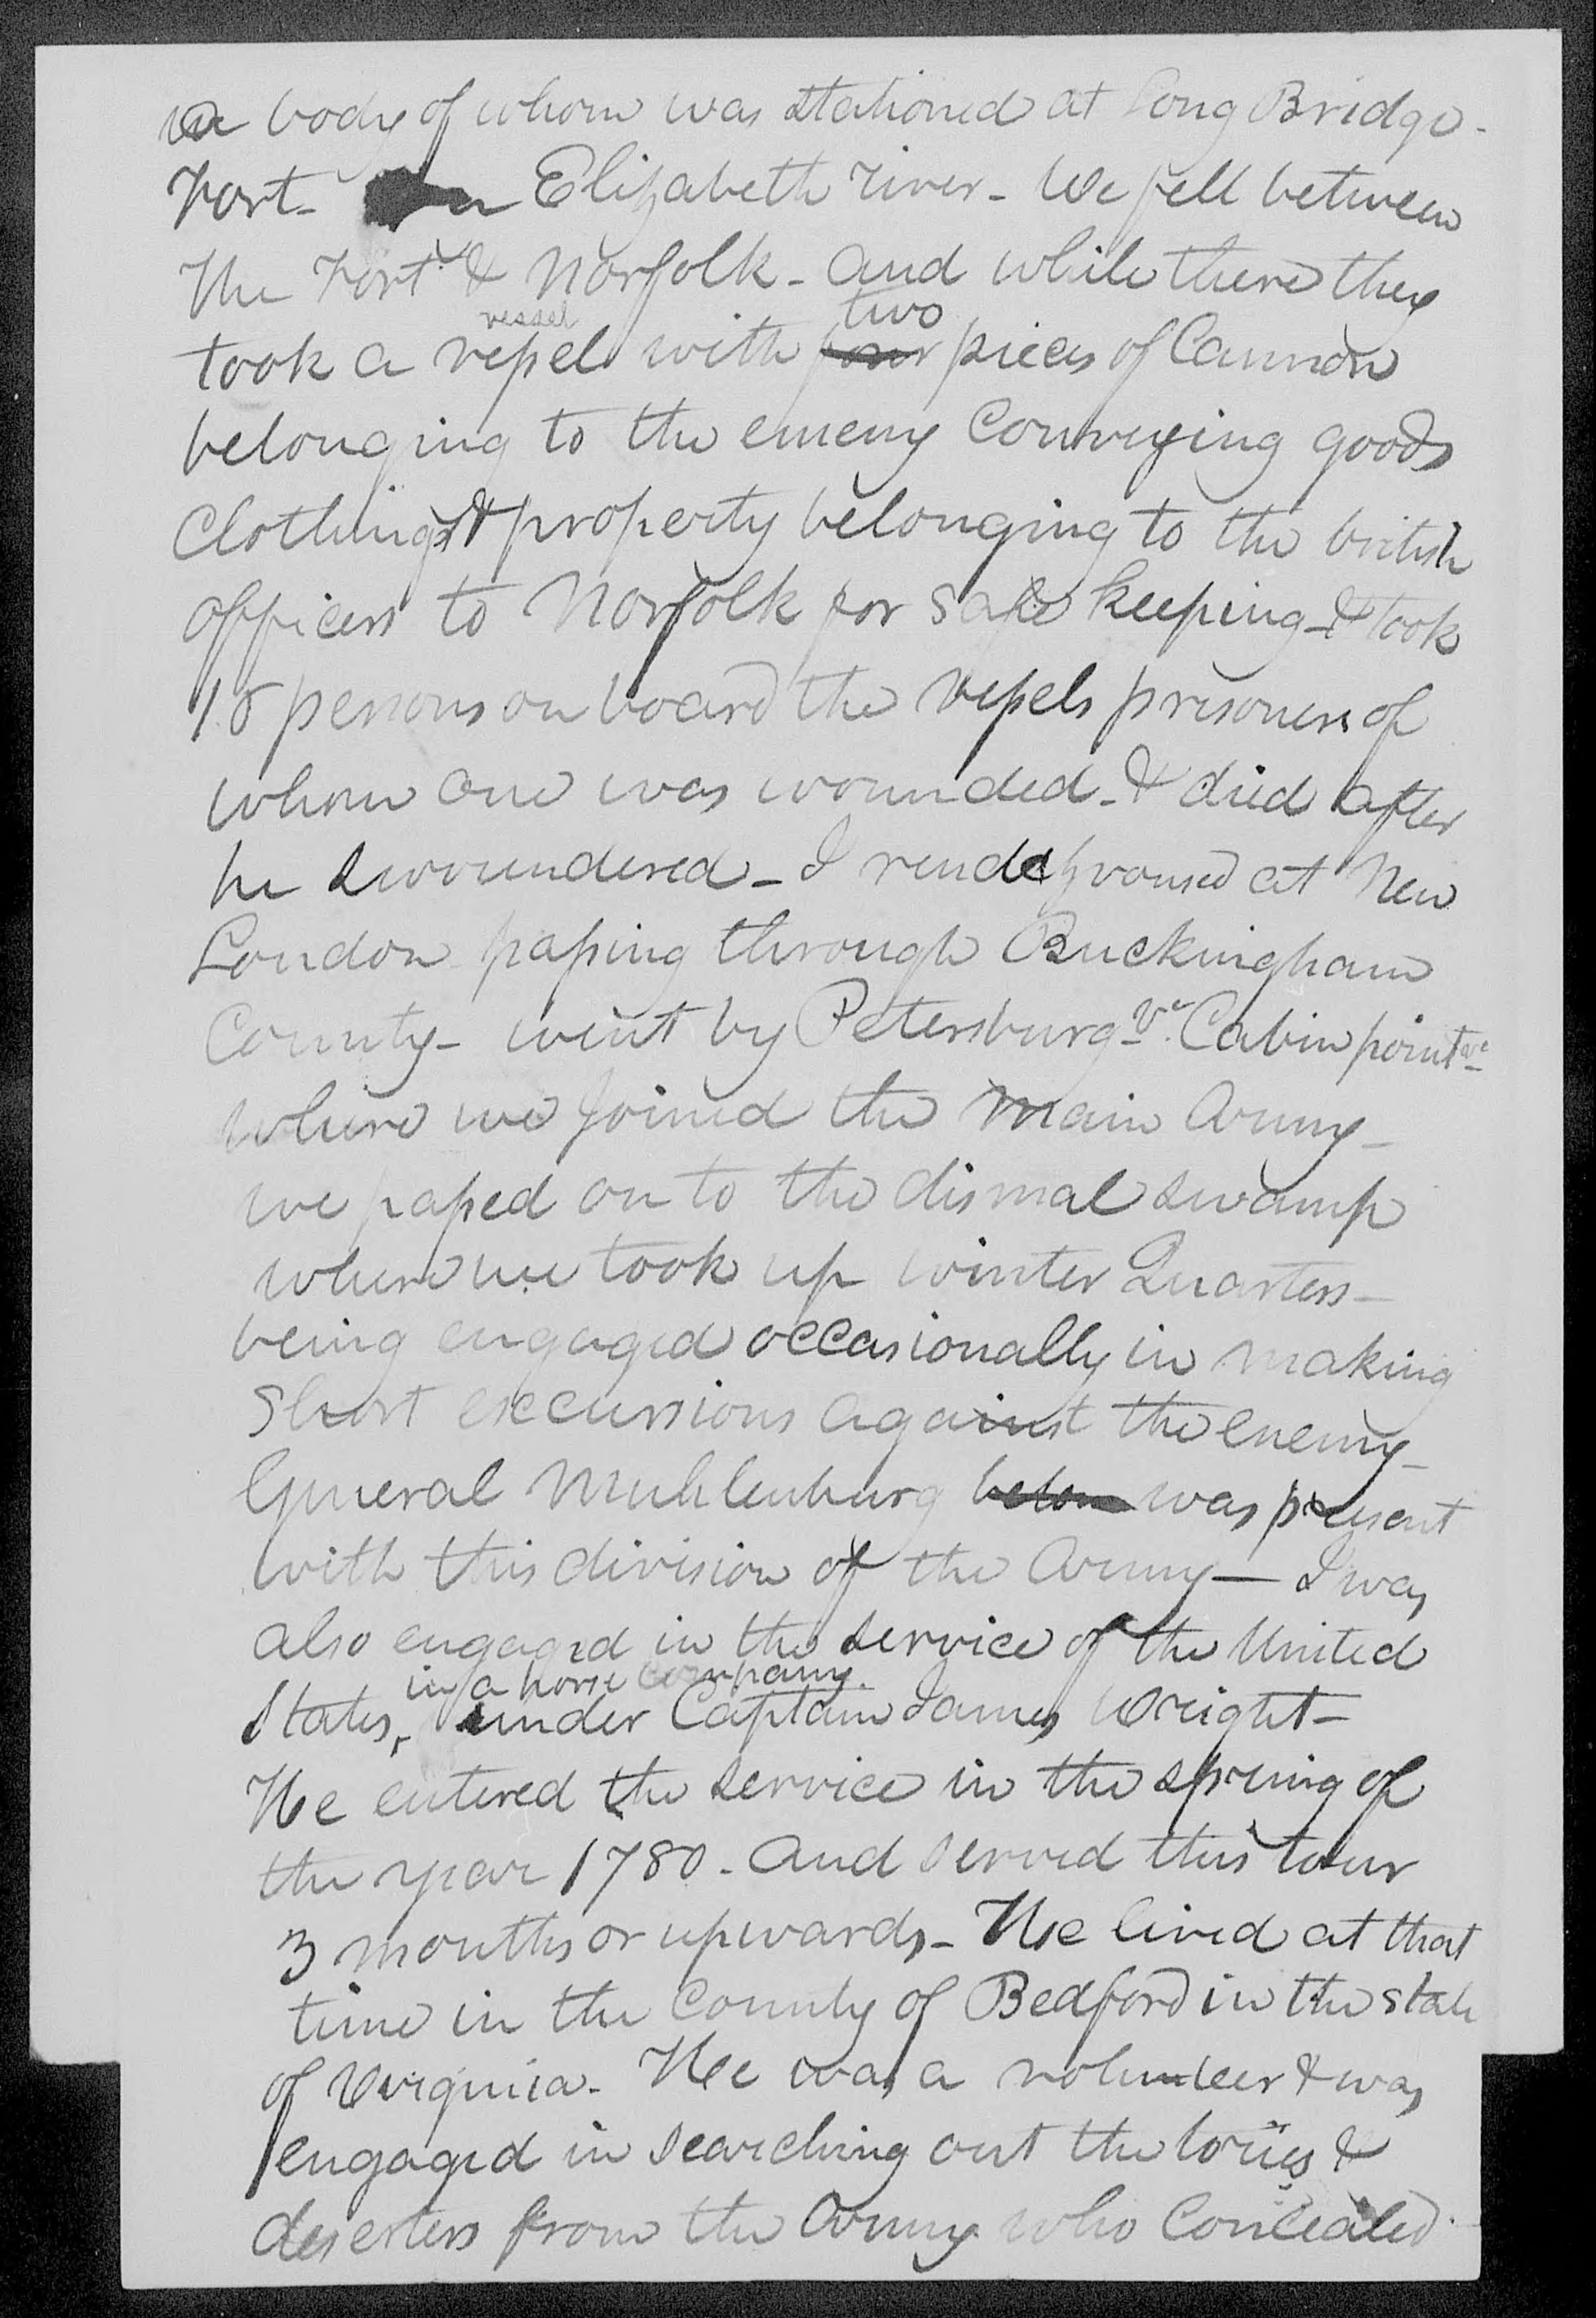[Declaration page 2]

the body of whom was stationed at Long Bridge Fort on Elizabeth river [Virginia] We fell between the Fort & Norfolk - and  while there they took a vesel vessel with two pieces of Cannon belonging to the enemy conveying goods, clothing & property belonging to the british officers to Norfolk for safe keeping 

& took 10 persons on board the vesel [vessel] prisoners of whom one was wounded & died after he surrendered - I  rendezvoused  at New London [now Campbell County, Virginia] passing through Buckingham County [Va.] -went by Petersburg Va- Cabin point [in Surry County Virginia]  where we joined the main army 

We passed on to the dismal swamp [Dismal Swamp, Virginia] where we took up winter Quarters being engaged occasionally in making short excursions against the enemy -General [Peter] Muhlenberg was present with this division of the army- I was also engaged in the service of the United States in a horse company[cavalry] under Captain James Wright 

He entered the Service in the spring of the year 1780- And served this tour 3 months or upwards He lived at that time in the County of Bedford in the state of Virginia He was a volunteer & was engaged in searching out the tories &  deserters from the army who concealed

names: James Wright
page: 4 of 30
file: S, 14,996, James Bramblett, Va.